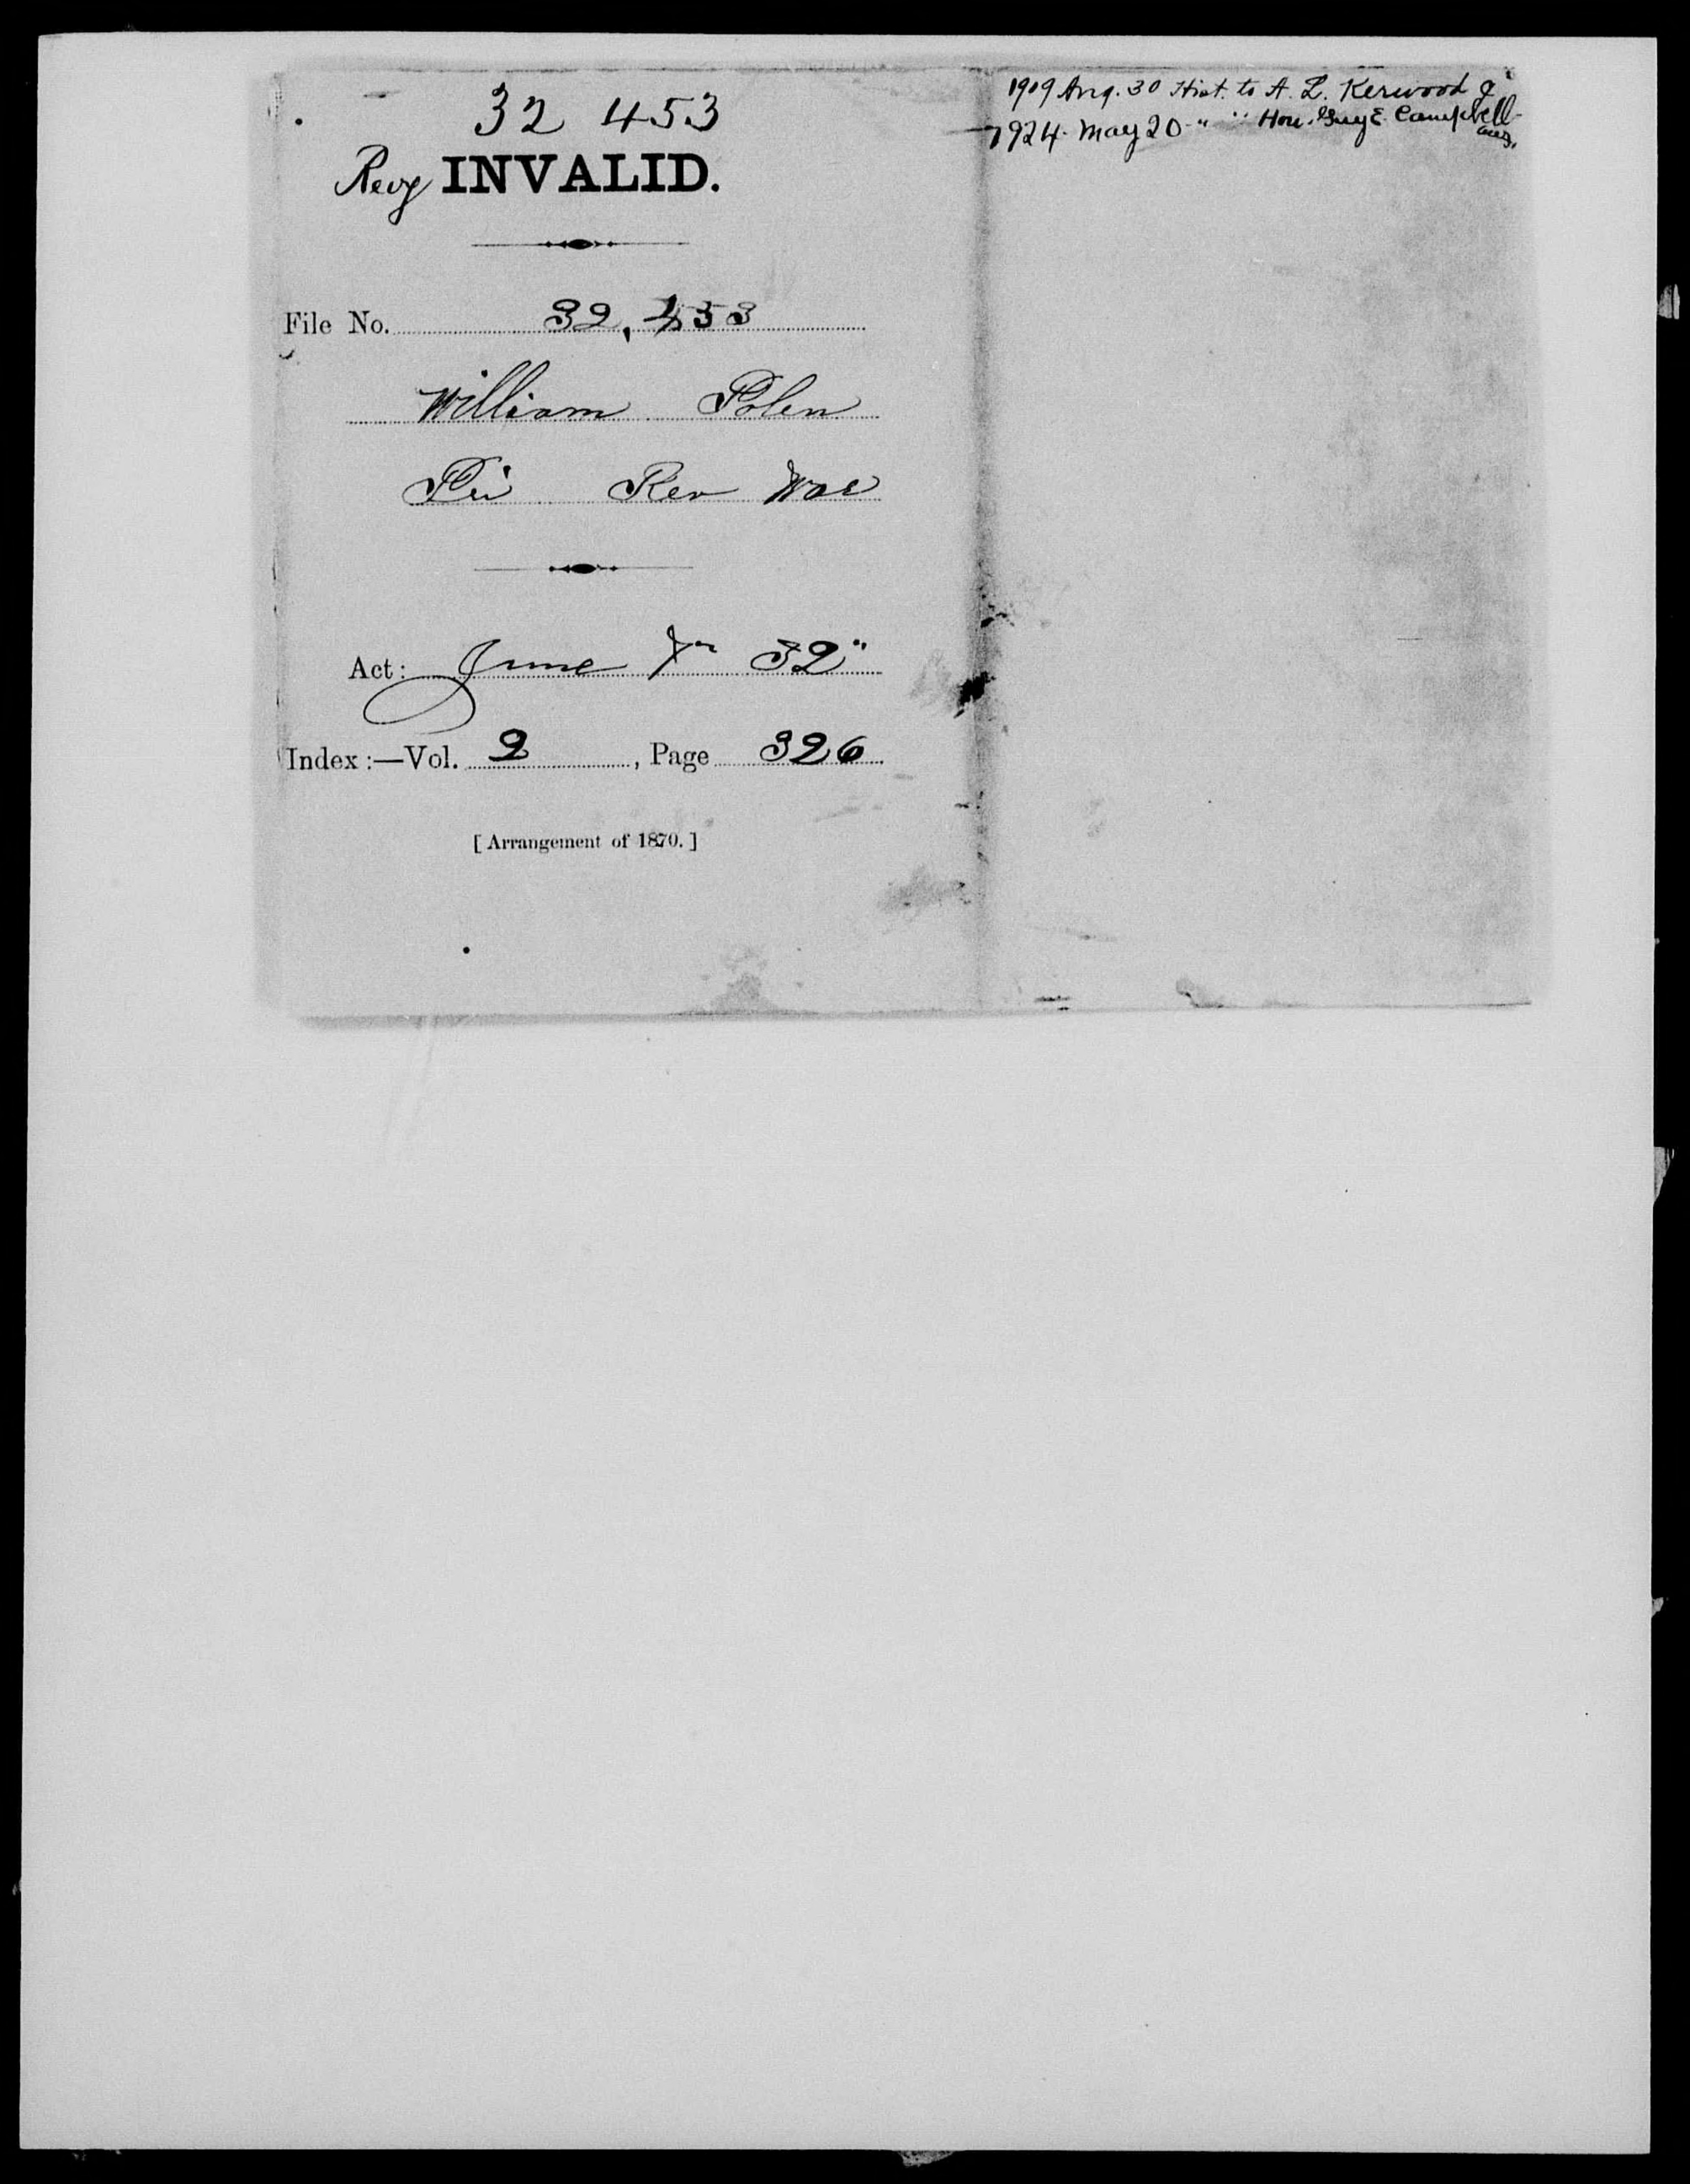32453
Revs INVALID.
File No. 32,453
William Polen
Dr Rev Wal
Act: June 7 39"
Index: - Vol. 2, Page 326
[Arrangement of 1870.]
1909 Aug. 30 Hist. to A.L. Kerwood
1924 May 20- "" Hon. Grey E. Campbell-Genty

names: A L Kerwood; William Polen; Guy E Campbell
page: 14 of 21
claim: survivor's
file: S. 32453, for William Polen, Virginia